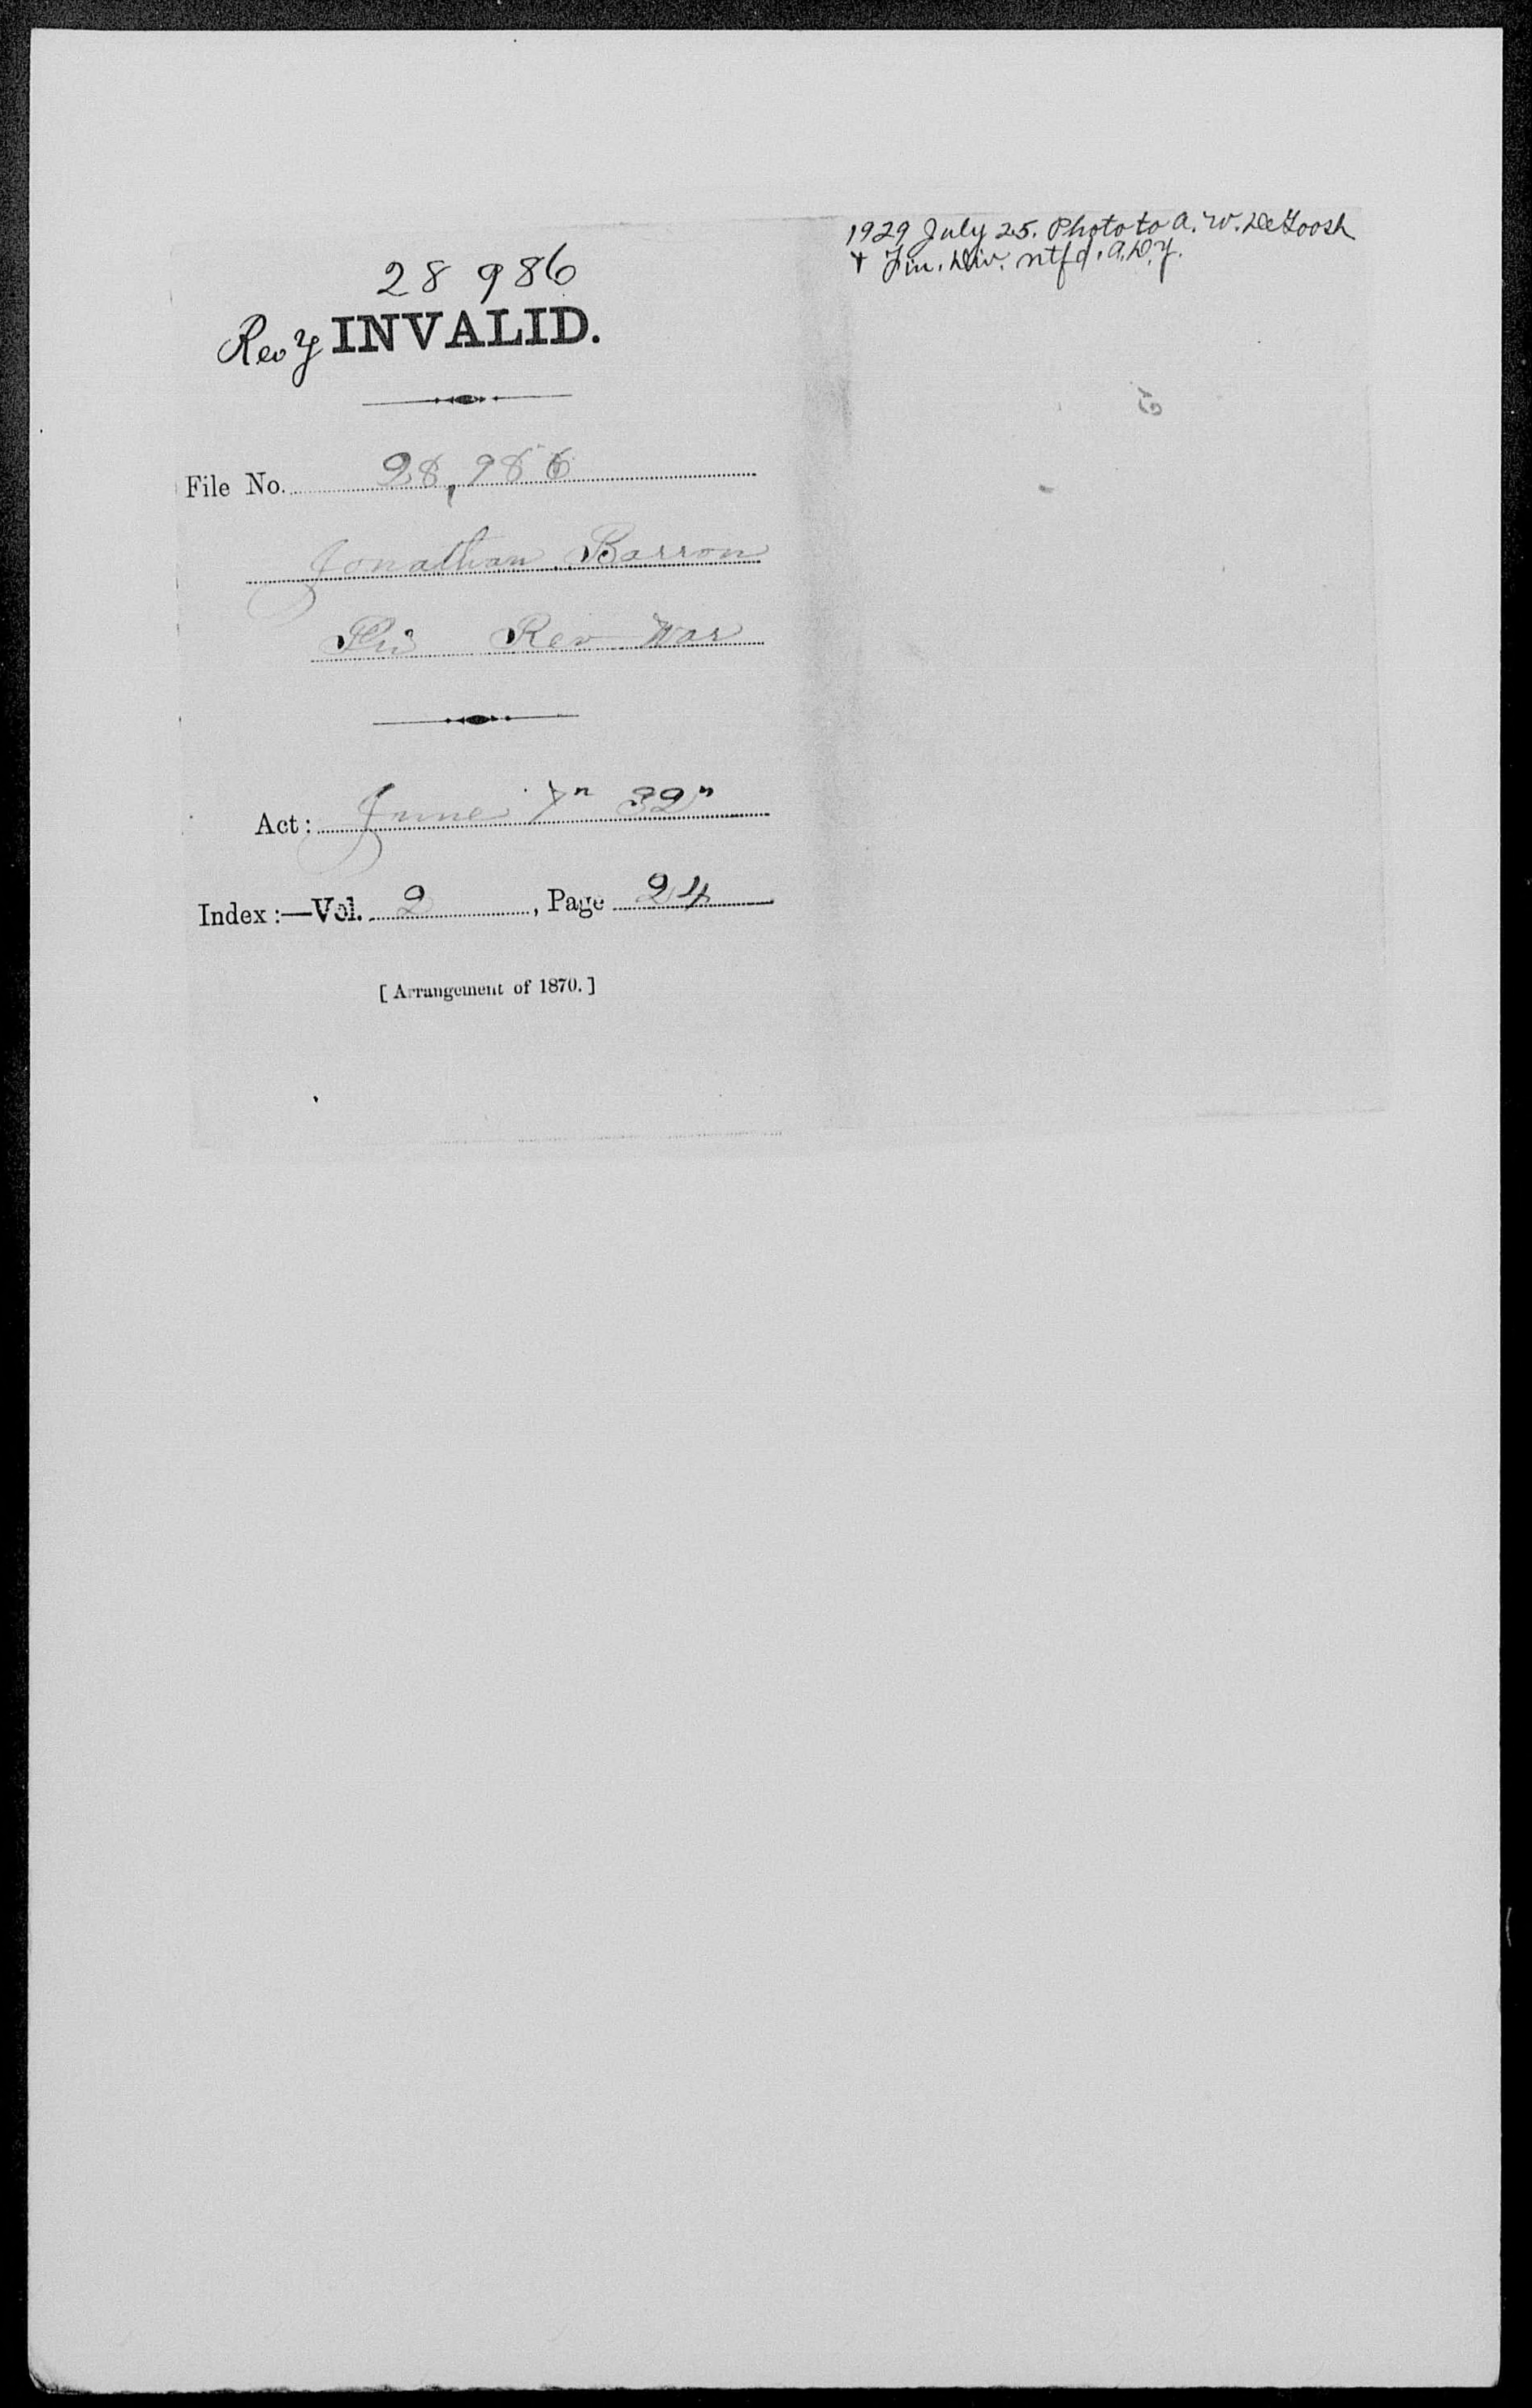28986
Rev Y  INVALID

FIle No. 28986
Jonathan Barron
Prv Rev War

Act: June 7 32

Index:- Vol 2, Page 24

[Arrangement of 1870]

[Handwritten on Right top edge]
1929 July 25 Photo to A. W. DeGoosh & Tim. Div. mtfd. A.D.Y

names: A W De Goosh, Jonathan Barron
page: 9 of 25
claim: survivor's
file: S. 28986, Jonathan Barron, N.H.